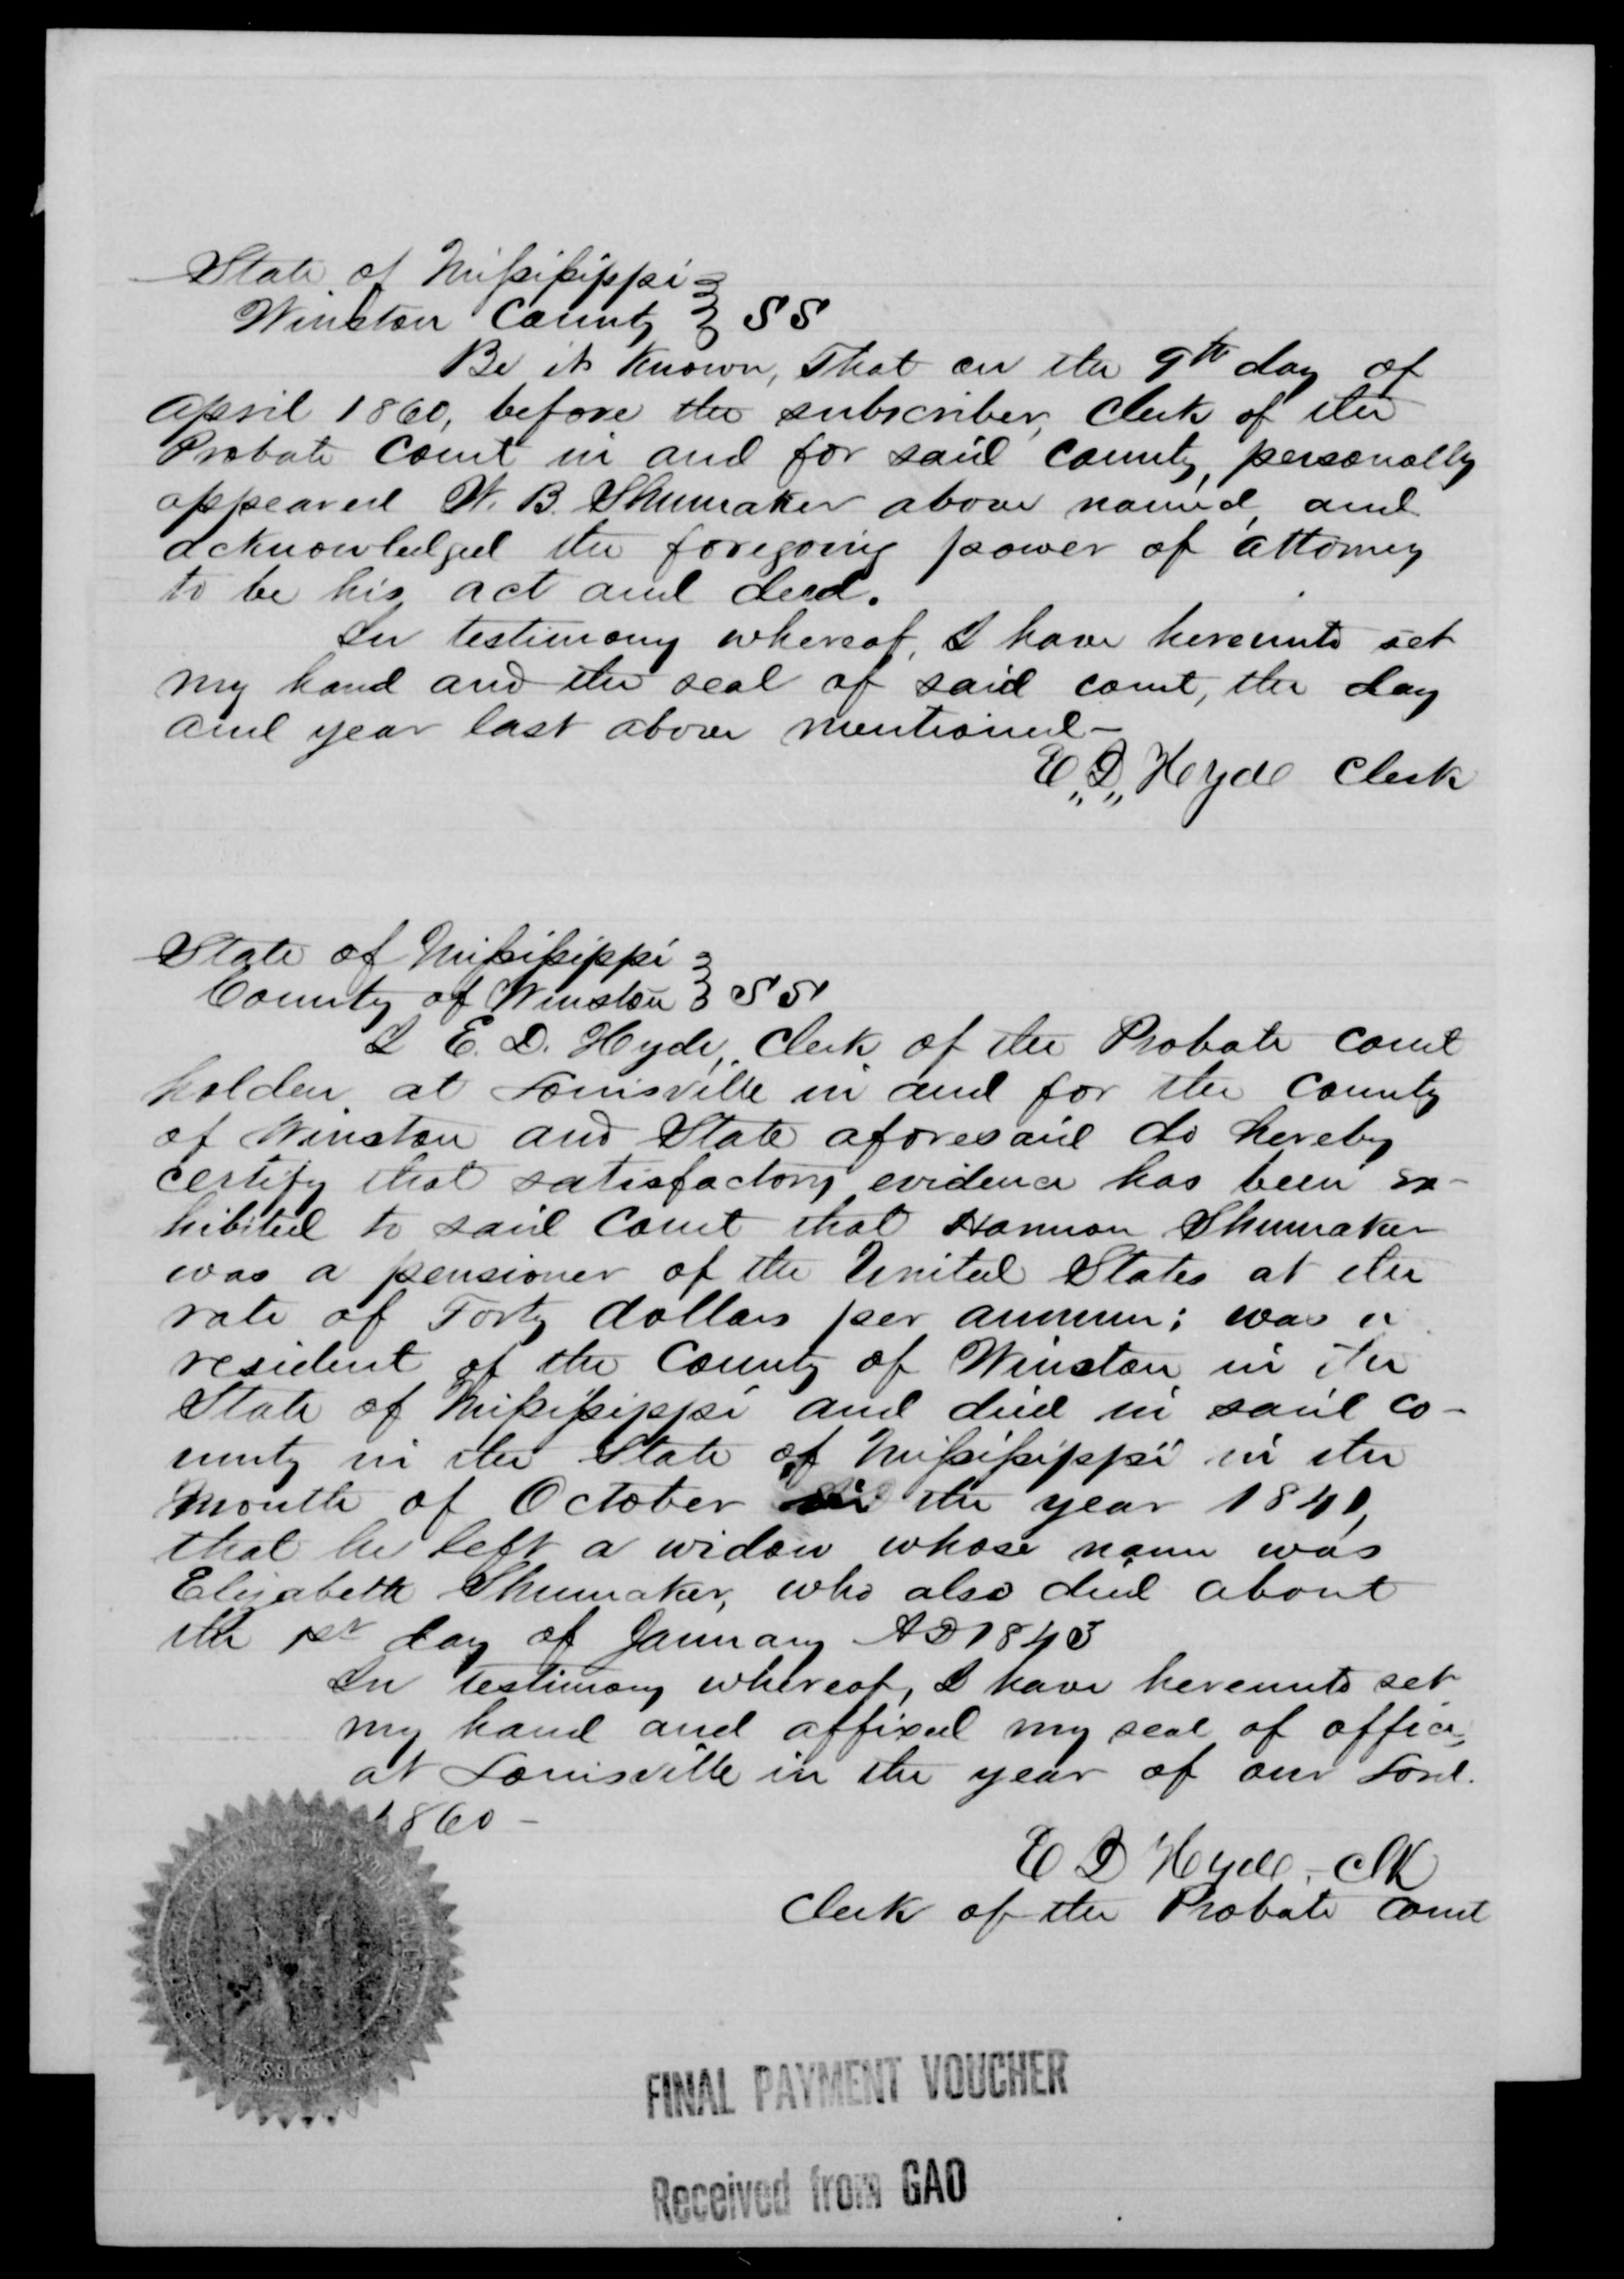State of Mississippi
Winston County SS
Be it known, That on the 9th day of
April 1860, before the subscriber, Clerk of the
Probate Court in and for said County, personally
appeared W. B. Shumaker above named and
acknowledged the foregoing power of attorney
to be his act and deed.
In testimony whereof, I have hereunto set
my hand and the seal of said court, the day
and year last above mentioned -
E. D. Hyde Clerk

State of Mississippi} SS
County of Winston}
I, E. D. Hyde, Clerk of the Probate court holder at Louisville in and for the county of Winston and State aforesaid do hereby certify that satisfactory evidence has been exhibited to said court that Harmon Shumaker was a pensioner of the United States at the rate of Forty dollars per annum; was a resident of the County of Winston in the State of Mississippi and did in said county in the state of Mississippi in the month of October the year 1841, that he left a widow whose name was Elizabeth Shumaker, who also died about the 1st day of January of 1840.
In testimony whereof, I have herewith set my hand an affixed my seal of office, at Louisville in the year of our Lord 1860 -
E. D Hyde, clk
Clerk of the Probate court
[seal marked Probate Court of Winston County Mississippi]
[stamp reading FINAL PAYMENT VOUCHER Received from GAO]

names: Harmon Shumaker; E D Hyde; E D Hyde; Elizabeth Shumaker; E D Hyde; W B Shumaker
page: 20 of 20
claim: survivor's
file: S. 32512, for Harmon Shumaker, Maryland